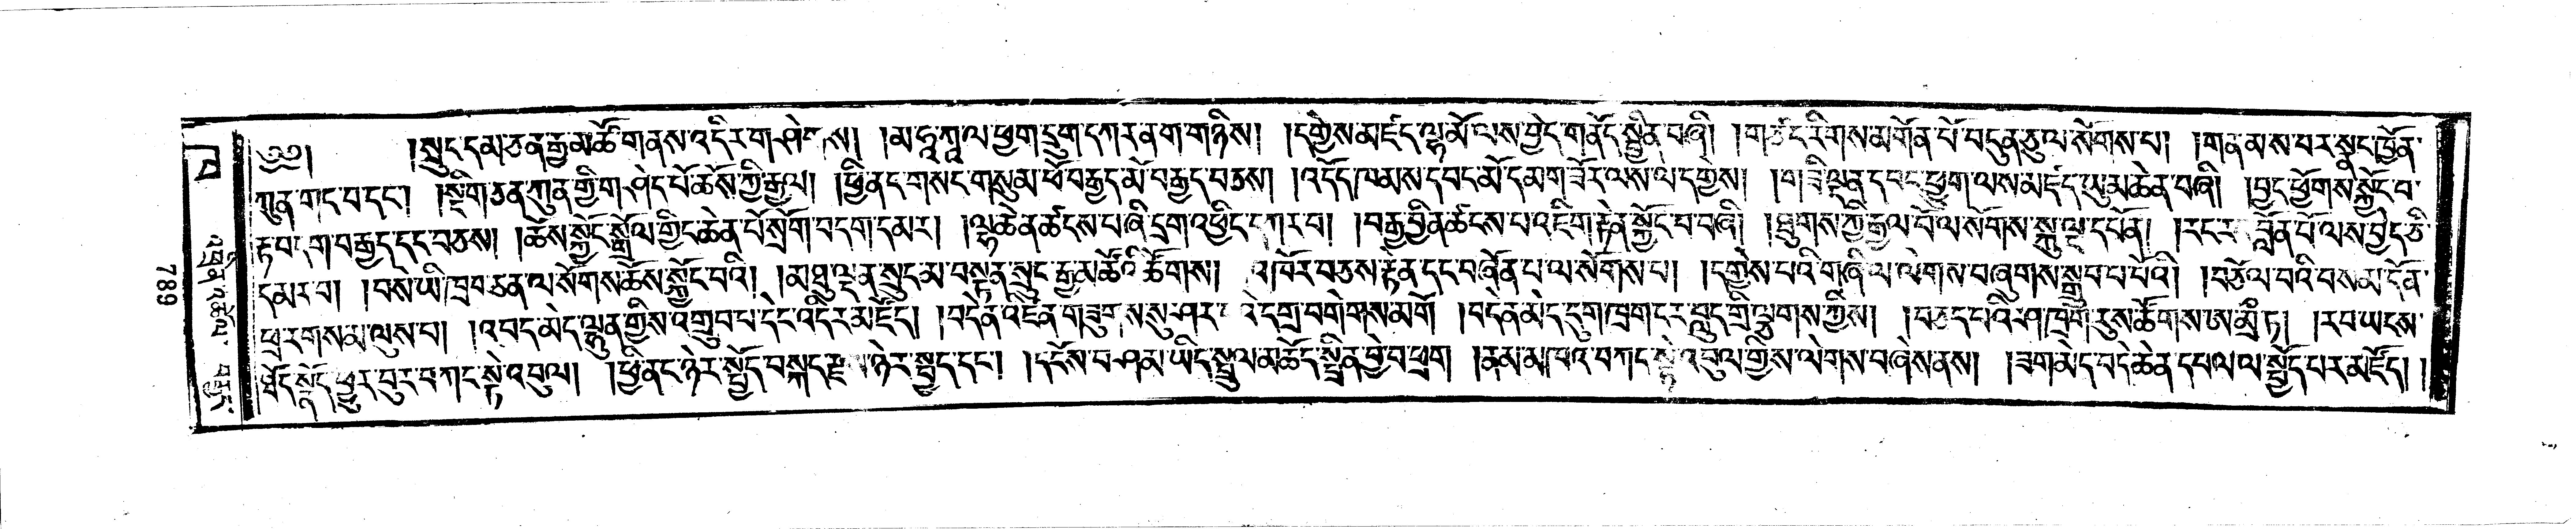༄༅། །སྲུང་དམ་ཅན་རྒྱ་མཚོ་གནས་འདིར་གཤེགས། །མ་ཧཱ་ཀཱ་ལ་ཕྱག་དྲུག་དཀར་ནག་གཉིས། །དགྱེས་མཛད་ལྷ་མོ་ལས་བྱེད་གནོད་སྦྱིན་བཞི། །གཙང་རིགས་མགོན་པོ་བདུན་ཅུ་ལ་སོགས་པ། །གནམ་ས་བར་སྣང་ཁྱོན་
ཀུན་གང་བ་དང་། །སྡིག་ཅན་ཀུན་གྱི་གཤེད་པོ་ཆོས་ཀྱི་རྒྱལ། །ཕྱི་ནང་གསང་གསུམ་ཕོ་བརྒྱད་མོ་བརྒྱད་བཅས། །འདོད་ཁམས་དབང་མོ་དམག་ཟོར་ལས་ལ་དགྱེས། །གཟི་ལྡན་དབང་ཕྱུག་ལས་མཛད་ཡུམ་ཆེན་བཞི། །བྱད་ཕྱོགས་སྐྱོང་བ་
རྟ་བདག་བརྒྱད་དང་བཅས། །ཆོས་སྐྱོང་སྒྲོལ་གྱིང་ཆེན་པོ་སྲོག་བདག་དམར། །ལྷ་ཆེན་ཚངས་པ་བཞི་དྲག་འཕྱིད་དཀར་བ། །བརྒྱ་བྱིན་ཚངས་པ་འཇིག་རྟེན་སྐྱོང་བ་བཞི། །ཐུགས་ཀྱི་རྒྱལ་བོ་ལ་སོགས་སྐུ་ལྔ་དཔོན། །རང་རང་བློན་པོ་ལས་བྱེད་ཅི་
དམར་བ། །བསེ་ཡི་ཁྲབ་ཅན་ལ་སོགས་ཆོས་སྐྱོང་བའི། །མཐུ་ལྡན་སྲུང་མ་བསྟན་སྲུང་རྒྱ་མཚོའི་ཚོགས། །འཁོར་བཅས་རྟེན་དང་བཞོན་པ་ལ་སོགས་པ། །དགྱེས་པའི་གཞི་ལ་ལེགས་བཞུགས་སྒྲུབ་པ་པོའི། །བཅོལ་བའི་བསམ་དོན་
ཕྲ་རགས་མ་ལུས་པ། །འབད་མེད་ལྷུན་གྱིས་འགྲུབ་པ་དེང་འདིར་མཛོད། །བདེན་འཛིན་གཟུགས་སུ་ཤར་བའི་དགྲ་བགེགས་མགོ །བདེན་མེད་དུག་ཁྲག་ངར་བླུད་གྲི་ལྕགས་ཀྱིས། །བཅད་པའི་ཤ་ཁྲག་རུས་ཚོགས་ཨ་མྲྀ་ཏ། །རབ་ཡངས་
ཐོད་སྣོད་ཕྱུར་བུར་བཀང་སྟེ་འབུལ། །ཕྱི་ནང་ཉེར་སྤྱོད་བསྐད་རྫས་ཉེར་སྤྱད་དང་། །དངོས་བཤམ་ཡིད་སྤྲུལ་མཆོད་སྤྲིན་བྱེ་བ་ཕྲག །ནམ་མཁའ་བཀད་སྟེ་འབུལ་གྱིས་ལེགས་བཞེས་ནས། །ཟག་མེད་བདེ་ཆེན་དཔལ་ལ་སྤྱོད་པར་མཛོད། །